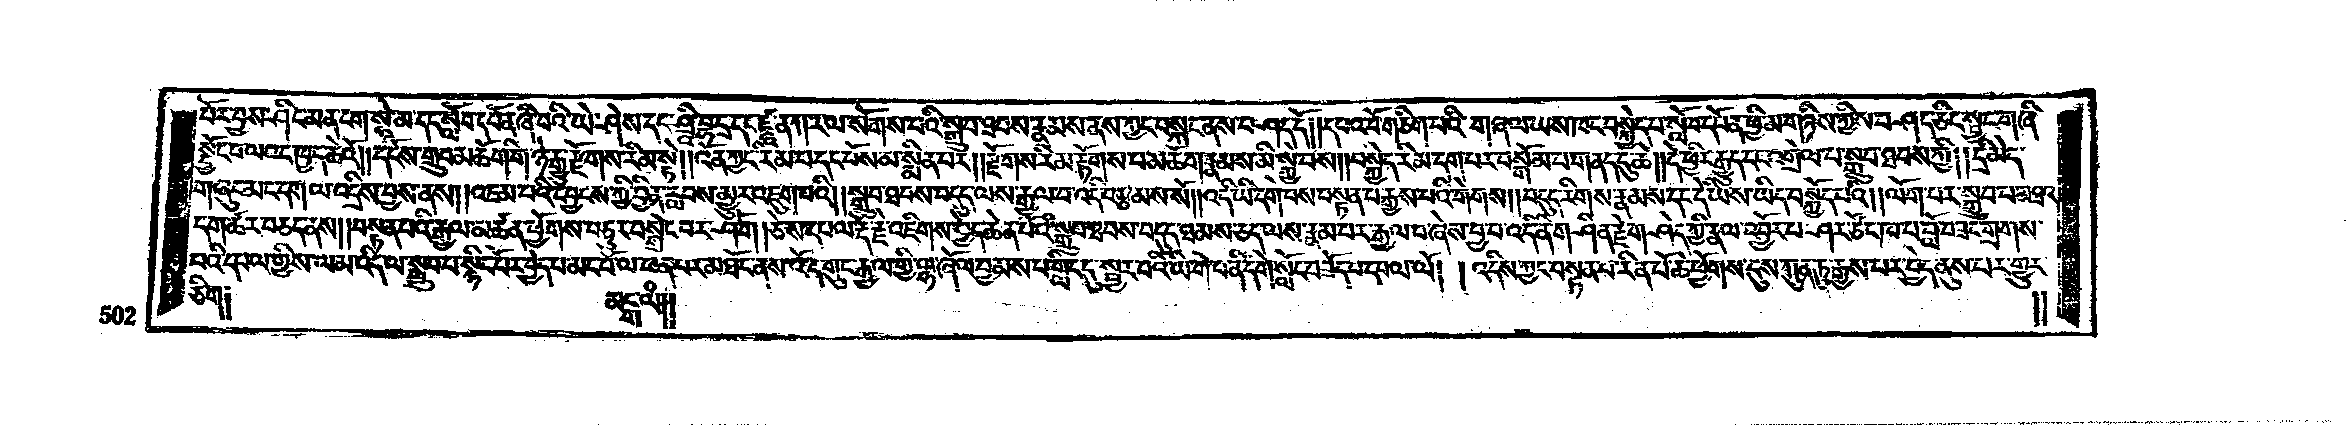བོར་བྱས་ཤིང་མན་ངག་སྙེ་མ་དང་སློབ་དཔོན་ཞི་བའི་ཡེ་ཤེས་དང་ཤྲཱི་བྷ་དྲ་དང་ཛྙཱ་ན་ཀ་ར་ལ་སོགས་པའི་སྒྲུབ་ཐབས་རྣམས་ནས་ཀྱང་བསྐང་ནས་བཤད་དོ། །དཔའ་བོ་གཅིག་པའི་གཞལ་ཡས་ཁང་བསྐྱེད་པ་སློབ་དཔོན་ཕྱི་མ་གཉིས་ཀྱིས་བཤད་ཅིང་སྦྱང་གཞི་
སྦྱོང་བ་ལའང་ཁྱད་ཆེའོ། །དངོས་གྲུབ་མཆོག་གི་ཉེ་རྒྱུ་རྫོགས་རིམ་སྟེ། །འོན་ཀྱང་རིམ་པ་དང་པོས་མ་སྨིན་པར། །རྫོགས་རིམ་རྟོགས་པ་མཆོག་རྣམས་མི་སྐྱེ་བས། །བསྐྱེད་རིམ་དག་པར་བསྒོམ་པ་གནད་དུ་ཆེ། །དེ་ཕྱིར་རྒྱུད་དང་འགྲེལ་པ་སྒྲུབ་ཐབས་ཀྱི། །དྲི་མེད་
གཞུང་མང་དག་ལ་འདྲིས་བྱས་ནས། །འཇམ་པའི་དབྱངས་ཀྱི་བྱིན་རླབས་མྱུར་འཇུག་པའི། །སྒྲུབ་ཐབས་བདུད་ལས་རྒྱལ་བ་འདི་བརྩམས་སོ། །འདི་ཡི་དགེ་བས་བསྟན་པ་རྒྱས་པའི་གེགས། །བདུད་རིགས་རྣམས་དང་དེ་ཡིས་ཡིད་བསྐྱོད་པའི། །ལོག་པར་སྒྲུབ་པ་མཐའ་
དག་ཚར་བཅད་ནས། །བསྟན་པའི་རྒྱལ་མཚན་ཕྱོགས་བཅུར་བསྒྲེང་བར་ཤོག །ཅེས་དཔལ་རྡོ་རྗེ་འཇིགས་བྱེད་ཆེན་པོའི་སྒྲུབ་ཐབས་བདུད་ཐམས་ཅད་ལས་རྣམ་པར་རྒྱལ་བ་ཞེས་བྱ་བ་འདི་ནི་གཤིན་རྗེ་གཤེད་ཀྱི་རྣལ་འབྱོར་པ་ཤར་ཙོང་ཁ་པ་བློ་བཟང་གྲགས་
པའི་དཔལ་ཀྱིས་ལམ་འདི་ལ་སྒྲུབ་པ་སྙིང་པོར་བྱེད་པ་མང་པོ་ལ་ཕན་པར་མཐོང་ནས་འོ་དེ་གུང་རྒྱལ་གྱི་ལྷ་ཞོལ་བྱམས་པ་གླིང་དུ་སྦྱར་བའི་ཡི་གེ་པ་ནི་དགེ་སློང་བཟོད་པ་དཔལ་ལོ། །འདིས་ཀྱང་བསྟན་པ་རིན་པོ་ཆེ་ཕྱོགས་དུས་ཀུན་ཏུ་རྒྱས་པར་བྱེད་ནུས་པར་གྱུར་
ཅིག། མངྒ་ལཾ།། །།